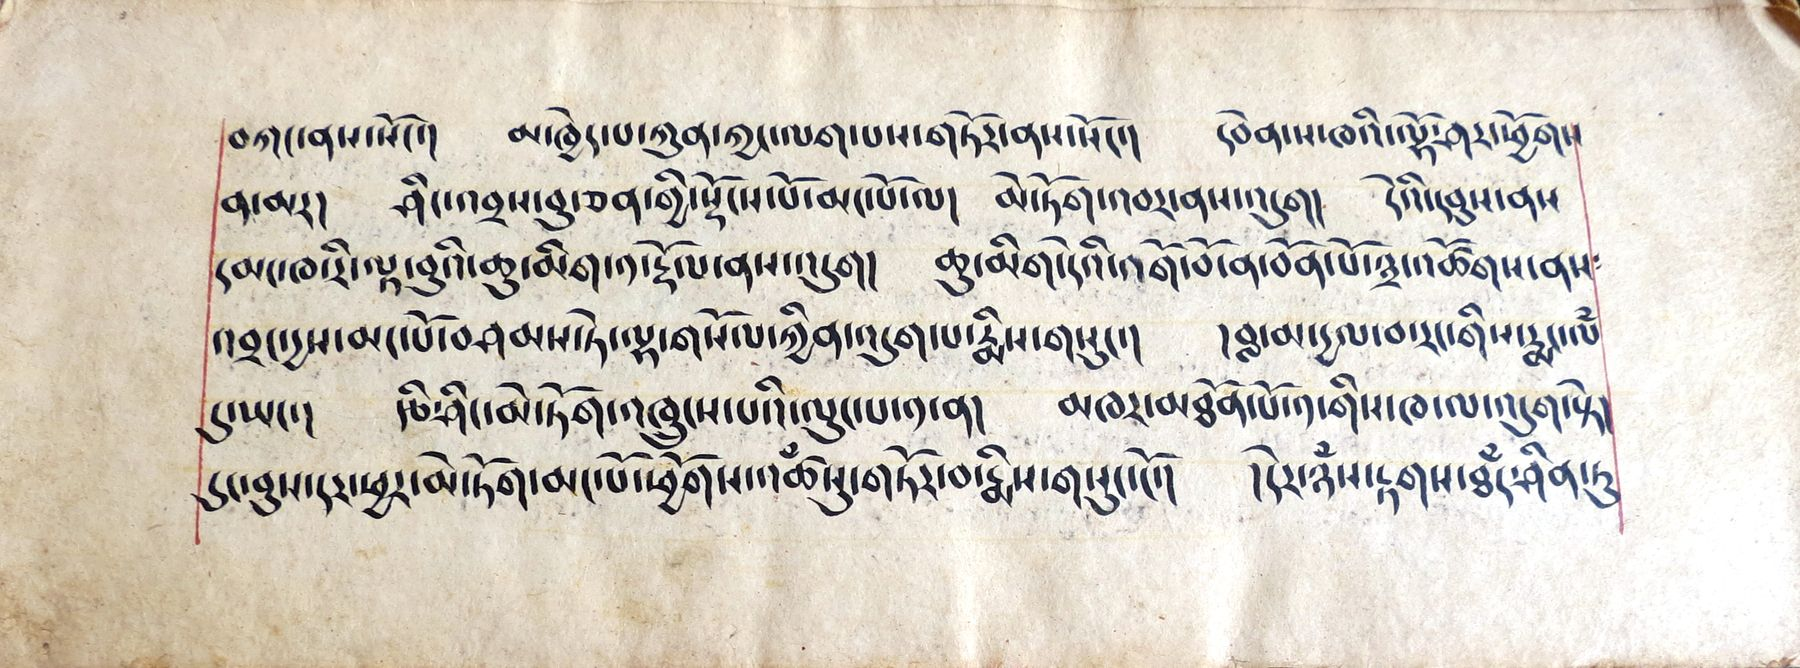བཀང་ནས་སོང་། མ་ཁྱེད་པ་ཀུན་ཀྱང་ལག་པས་གཏོར་ནས་སོང་། དབེན་ས་ཁའི་ལྷོ་ཤར་ཕྱོགས་
ན་མར། ཤིང་འབྲས་བུ་ཅན་གྱི་སྡོང་པོ་མང་པོ་ལ། མེ་ཏོག་འབར་ནས་འདུག དེའི་དབུས་ནས་
དམང་ཁ་རི་ལྟ་བུའི་ཆུ་མིག་ཅིག་བརྡོལ་ནས་འདུག ཆུ་མིག་དེའི་འགོ་བོ་ན་བོན་པོ་གསུམ་འཚོགས་ནས། 
འབྲང་རྒྱས་མང་པོ་བཤམས་ཏེ་ལྷ་གསོལ་ཀྱིན་འདུག་པ་རྨིས་གསུངས། བླ་མ་རྒྱལ་བ་རང་གི་རྨང་ལམ་
དུ་ཡང་། རྩི་ཤིང་མེ་ཏོག་འཁྲུངས་པའི་ལུང་པ་ཅིག་ན། མཁར་མཐོན་པོ་ཞིག་གི་ཁ་ལ་འདུག་སྟེ། 
དུང་བུས་དར་ཕྱར་མེ་ཏོག་མང་པོ་ཕྱོགས་མཚམས་སུ་གཏོར་བ་རྨིས་གསུང་ངོ་། དེར་ཉམས་རྟགས་ཐམས་ཅད་ཤིན་ཏུ་